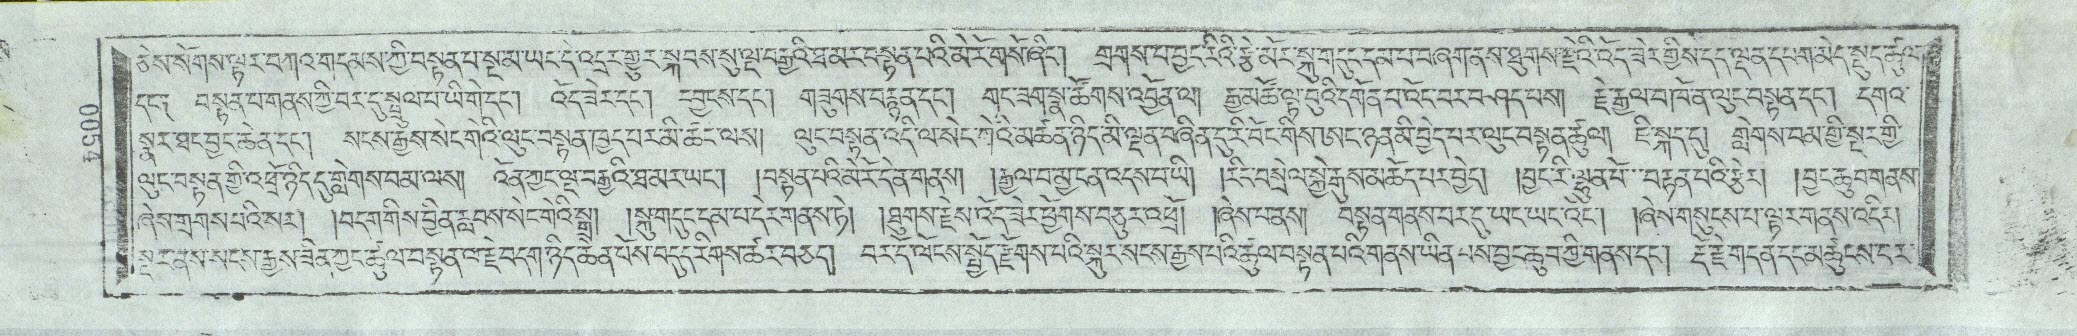ཅེས་སོགས་ལྟར་བཀའ་གདམས་ཀྱི་བསྟན་པ་སྔ་མ་ཡང་དེ་འདྲར་གྱུར་སྐབས་སུ་ལྔ་བརྒྱའི་ཐ་མར་བསྟན་པའི་མེ་རོ་གསོ་ཞིང་། གྲགས་པ་བྱང་རིའི་རྩེ་མོར་སྐུ་གདུང་དམ་པ་བཞག་ནས་ཐུགས་རྗེའི་འོད་ཟེར་གྱིས་དད་ལྡན་དཔག་མེད་སྡུད་ཚུལ་
དང་། བསྟན་པ་གནས་ཀྱི་བར་དུ་སྤྲུལ་པ་ཡི་གེ་དང་། འོད་ཟེར་དང་། དབྱངས་དང་། གཟུགས་བརྙན་དང་། གང་ཟག་སྣ་ཚོགས་འབྱོན་ལ། རྒྱ་མཚོ་ལྟ་བུའི་དགོན་པ་འོང་བར་བཤད་པས། རྗེ་རྒྱལ་བ་ཁོ་ན་ལུང་བསྟན་དང་། དགའ་
སྣར་ཐང་བྱང་ཆེན་དང་། སངས་རྒྱས་སེང་གེའི་ལུང་བསྟན་ཁྱད་པར་མི་ཚང་ལས། ལུང་བསྟན་འདི་ལ་སེང་གེའི་མཚན་ཉིད་མི་ལྡན་བཞིན་དུ་རི་བོང་གིས་ཨང་ཉན་མི་བྱེད་པར་ལུང་བསྟན་ཚུལ། ཇི་སྐད་དུ། གླེགས་བ་མ་གྱི་སྔར་གྱི་
ལུང་བསྟན་གྱི་འཕྲོ་ཉིད་དུ་གླེགས་བམ་ལས། འོན་ཀྱང་ལྔ་བརྒྱའི་ཐ་མར་ཡང་། །བསྟན་པའི་མེ་རོ་དེན་གནས། །རྒྱལ་བ་མྱ་ངན་འདས་པ་ཡི། །རིང་བསྲེལ་སྐྱེ་རྒུས་མཆོད་པར་བྱེད། །བྱང་རི་ལྷུན་པོ་བརྟན་པའི་རྩེར། །བྱང་ཆུབ་གནས?
ཞེས་གྲགས་པའི་སར། །བདག་གིས་བྱིན་རླབས་སེང་གེའི་སྒྲ། །སྐུ་གདུང་དམ་པ་དེར་གནས་ཏེ། །ཐུགས་རྗེས་འོད་ཟེར་ཕྱོགས་བཅུར་འཕྲོ། །ཞེས་པ་ནས། བསྟན་གནས་པར་དུ་ཡང་ཡང་འོང་། །ཞེས་གསུངས་པ་ལྟར་གནས་བདིར།
སྔར་ནས་སངས་རྒྱས་ཟིན་ཀྱང་ཚུལ་བསྟན་ལ་རྗེ་བདག་ཉིད་ཆེན་པོས་བདུད་རིགས་ཚར་བཅད། བར་དོ་ལོངས་སྤྱོད་རྫོགས་པའི་སྐུར་སངས་རྒྱས་པའི་ཚུལ་བསྟན་པའི་གནས་ཡིན་པས་བྱང་ཆུབ་ཀྱི་གནས་དང་། རྡོ་རྗེ་གདན་དང་མཚུངས་ངར་